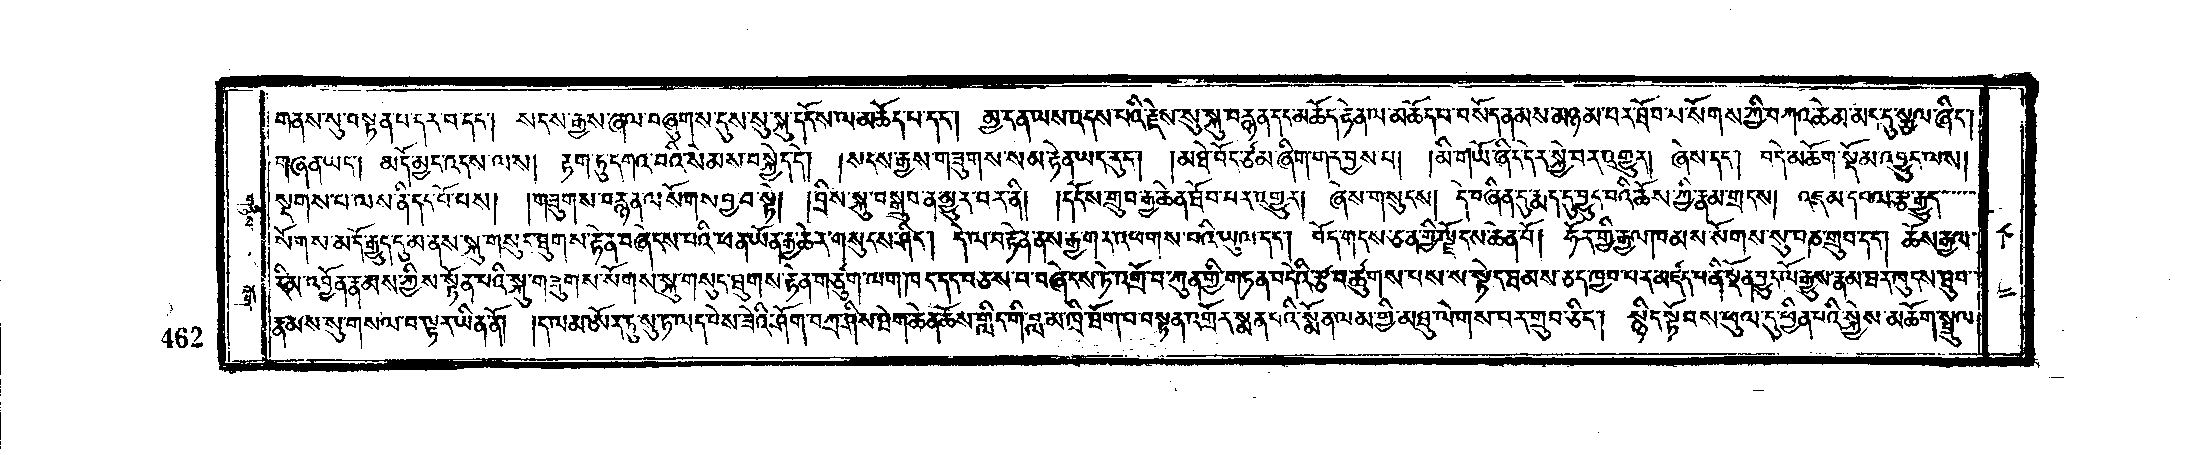གནས་སུ་བསྟན་པ་དར་བ་དང་། སངས་རྒྱས་ཞལ་བཞུགས་དུས་སུ་སྐུ་དངོས་ལ་མཆོད་པ་དང་། མྱ་ངན་ལས་འདས་པའི་རྗེས་སུ་སྐུ་བརྙན་དང་མཆོད་རྟེན་ལ་མཆོད་པ་བསོད་ནམས་མཉམ་པར་ཐོབ་པ་སོགས་ཀྱི་བཀའ་ཆེམ་མང་དུ་སྩལ་ཞིང་།
གཞན་ཡང་། མདོ་མྱང་འདས་ལས། རྟག་ཏུ་དགའ་བའི་སེམས་བསྐྱེད་དེ། །སངས་རྒྱས་གཟུགས་སམ་རྟེན་ཡང་རུང་། །མཐེ་བོང་ཙམ་ཞིག་གར་བྱས་པ། །མི་གཡོ་ཞིང་དེར་སྐྱེ་བར་འགྱུར། ཞེས་དང་། བདེ་མཆོག་སྡོམ་འབྱུང་ལས།
སྔགས་པ་ལས་ནི་དང་པོ་པས། །གཟུགས་བརྙན་ལ་སོགས་བྱ་བ་སྟེ། །བྲིས་སྐུ་བསྒྲུབ་ན་མྱུར་བར་ནི། །དངོས་གྲུབ་རྒྱ་ཆེན་ཐོབ་པར་འགྱུར། ཞེས་གསུངས། དེ་བཞིན་དུ་རྨད་དུ་བྱུང་བའི་ཆོས་ཀྱི་རྣམ་གྲངས། འཇམ་དཔལ་རྩ་རྒྱུད་
སོགས་མདོ་རྒྱུད་དུ་མ་ནས་སྐུ་གསུང་ཐུགས་རྟེན་བཞེངས་པའི་ཕན་ཡོན་རྒྱ་ཆེར་གསུངས་ཤིང་། དེ་ལ་བརྟེན་ནས་རྒྱ་གར་འཕགས་པའི་ཡུལ་དང་། བོད་གངས་ཅན་གྱི་ལྗོངས་ཆེན་པོ། ཧོར་གྱི་རྒྱལ་ཁམས་སོགས་སུ་པཎ་གྲུབ་དང་། ཆོས་རྒྱལ་
རིམ་འབྱོན་རྣམས་ཀྱིས་སྟོན་པའི་སྐུ་གཟུགས་སོགས་སྐུ་གསུང་ཐུགས་རྟེན་གཙུག་ལག་ཁང་དང་བཅས་པ་བཞེངས་ཏེ་འགྲོ་བ་ཀུན་གྱི་གཏན་བདེའི་རྩ་བ་ཚུགས་པས་ས་སྟེང་ཐམས་ཅད་ཁྱབ་པར་མཛད་པ་ནི་སྔོན་བྱུང་ལོ་རྒྱུས་རྣམ་ཐར་ཁུངས་ཐུབ་
རྣམས་སུ་གསལ་བ་ལྟར་ཡིན་ནོ། །ད་ལམ་ཨོར་ཏུ་སུ་ཏ་ལད་པེས་ཟེའི་ཤོག་བཀྲ་ཤིས་ཐེག་ཆེན་ཆོས་གླིང་གི་བླ་མ་ཁྲི་ཐོག་པ་བསྟན་འགྲོར་སྨན་པའི་སྨོན་ལམ་གྱི་མཐུ་ལེགས་པར་གྲུབ་ཅིང་། སྙིང་སྟོབས་ཕུལ་དུ་ཕྱིན་པའི་སྐྱེས་མཆོག་སྤྲུལ་